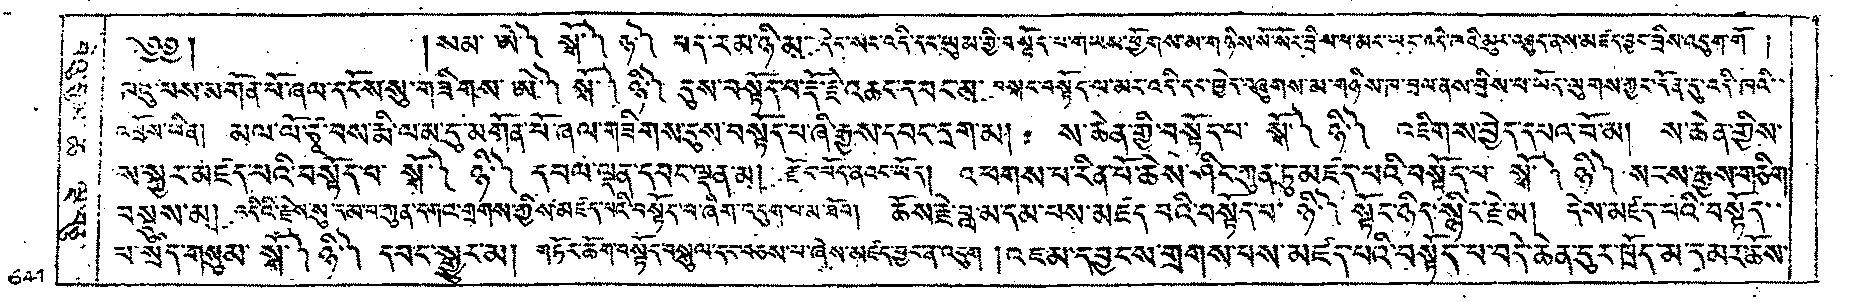༄༅། །སམ་ཨ྄ེ་སྒ྄ོ་ཉ྄་པད་རམ་ཉི་མ་དེང་སང་འདི་དང་ཡུམ་གྱི་བསྟོད་པ་གཡས་ཕྱོགས་མ་གཉིས་སོ་སོར་བྲིས་པ་མང་ཡང་འདི་ཁའི་མུར་འཐུད་ནས་མཛད་བྱང་བྲིས་འདུག་གོ །
ཁའུ་པས་མགོན་པོ་ཞལ་དངོས་སུ་གཟིགས་ཨ྄ེ་སྒ྄ོ་ཉ྄ི་དུས་བསྟོད་པ་རྡོ་རྗེ་འཆང་དབང་མ་བསྐང་བསྟོད་ལ་མར་འདི་དང་ཁྱེད་བཞུགས་མ་གཉིས་ཁ་བྲལ་ནས་བྲིས་པ་ཡོད་ལུགས་ཀྱང་དོན་དུ་འདི་ཁའི་
འཕྲོས་ཡིན། མལ་ལོ་ཙཱ་བས་རྨི་ལམ་དུ་མགོན་པོ་ཞལ་གཟིགས་དུས་བསྟོད་པ་ཞི་རྒྱས་དབང་དྲག་མ། ས་ཆེན་གྱི་བསྟོད་པ་སྒ྄ོ་ཉ྄ི་འཇིགས་བྱེད་དཔའ་བོ་མ། ས་ཆེན་གྱིས་
ས་སྐྱར་མཛད་པའི་བསྟོད་པ་སྒ྄ོ་ཉ྄ི་དཔལ་ལྡན་དབང་ལྡན་མ། རྫོང་པོད་ནའང་ཡོད།  འཕགས་པ་རིན་པོ་ཆེས་ཤིང་ཀུན་ཏུ་མཛད་པའི་བསྟོད་པ་སྒ྄ོ་ཉ྄ི་སངས་རྒྱས་གཅིག་
བསྡུས་མ། འདིའི་རྗེས་སུ་དམ་པ་ཀུན་དགའ་གྲགས་ཀྱིས་མཛད་པའི་བསྟོད་པ་ཞིག་འདུག་པ་མ་ཐོབ།  ཆོས་རྗེ་བླ་མ་དམ་པས་མཛད་པའི་བསྟོད་པ་ཉ྄ི་སྟོང་ཉིད་སྙིང་རྗེ་མ། དེས་མཛད་པའི་བསྟོད་
པ་སྲིད་གསུམ་སྒ྄ོ་ཉ྄ི་དབང་སྒྱུར་མ། གཏོར་ཆོག་བསྟོད་བསྐུལ་དང་བཅས་པ་ཞེས་མཛད་བྱང་ན་འདུག །  འཇམ་དབྱངས་གྲགས་པས་མཛད་པའི་བསྟོད་པ་བདེ་ཆེན་དུར་ཁྲོད་མ་དམར་ཆོས་